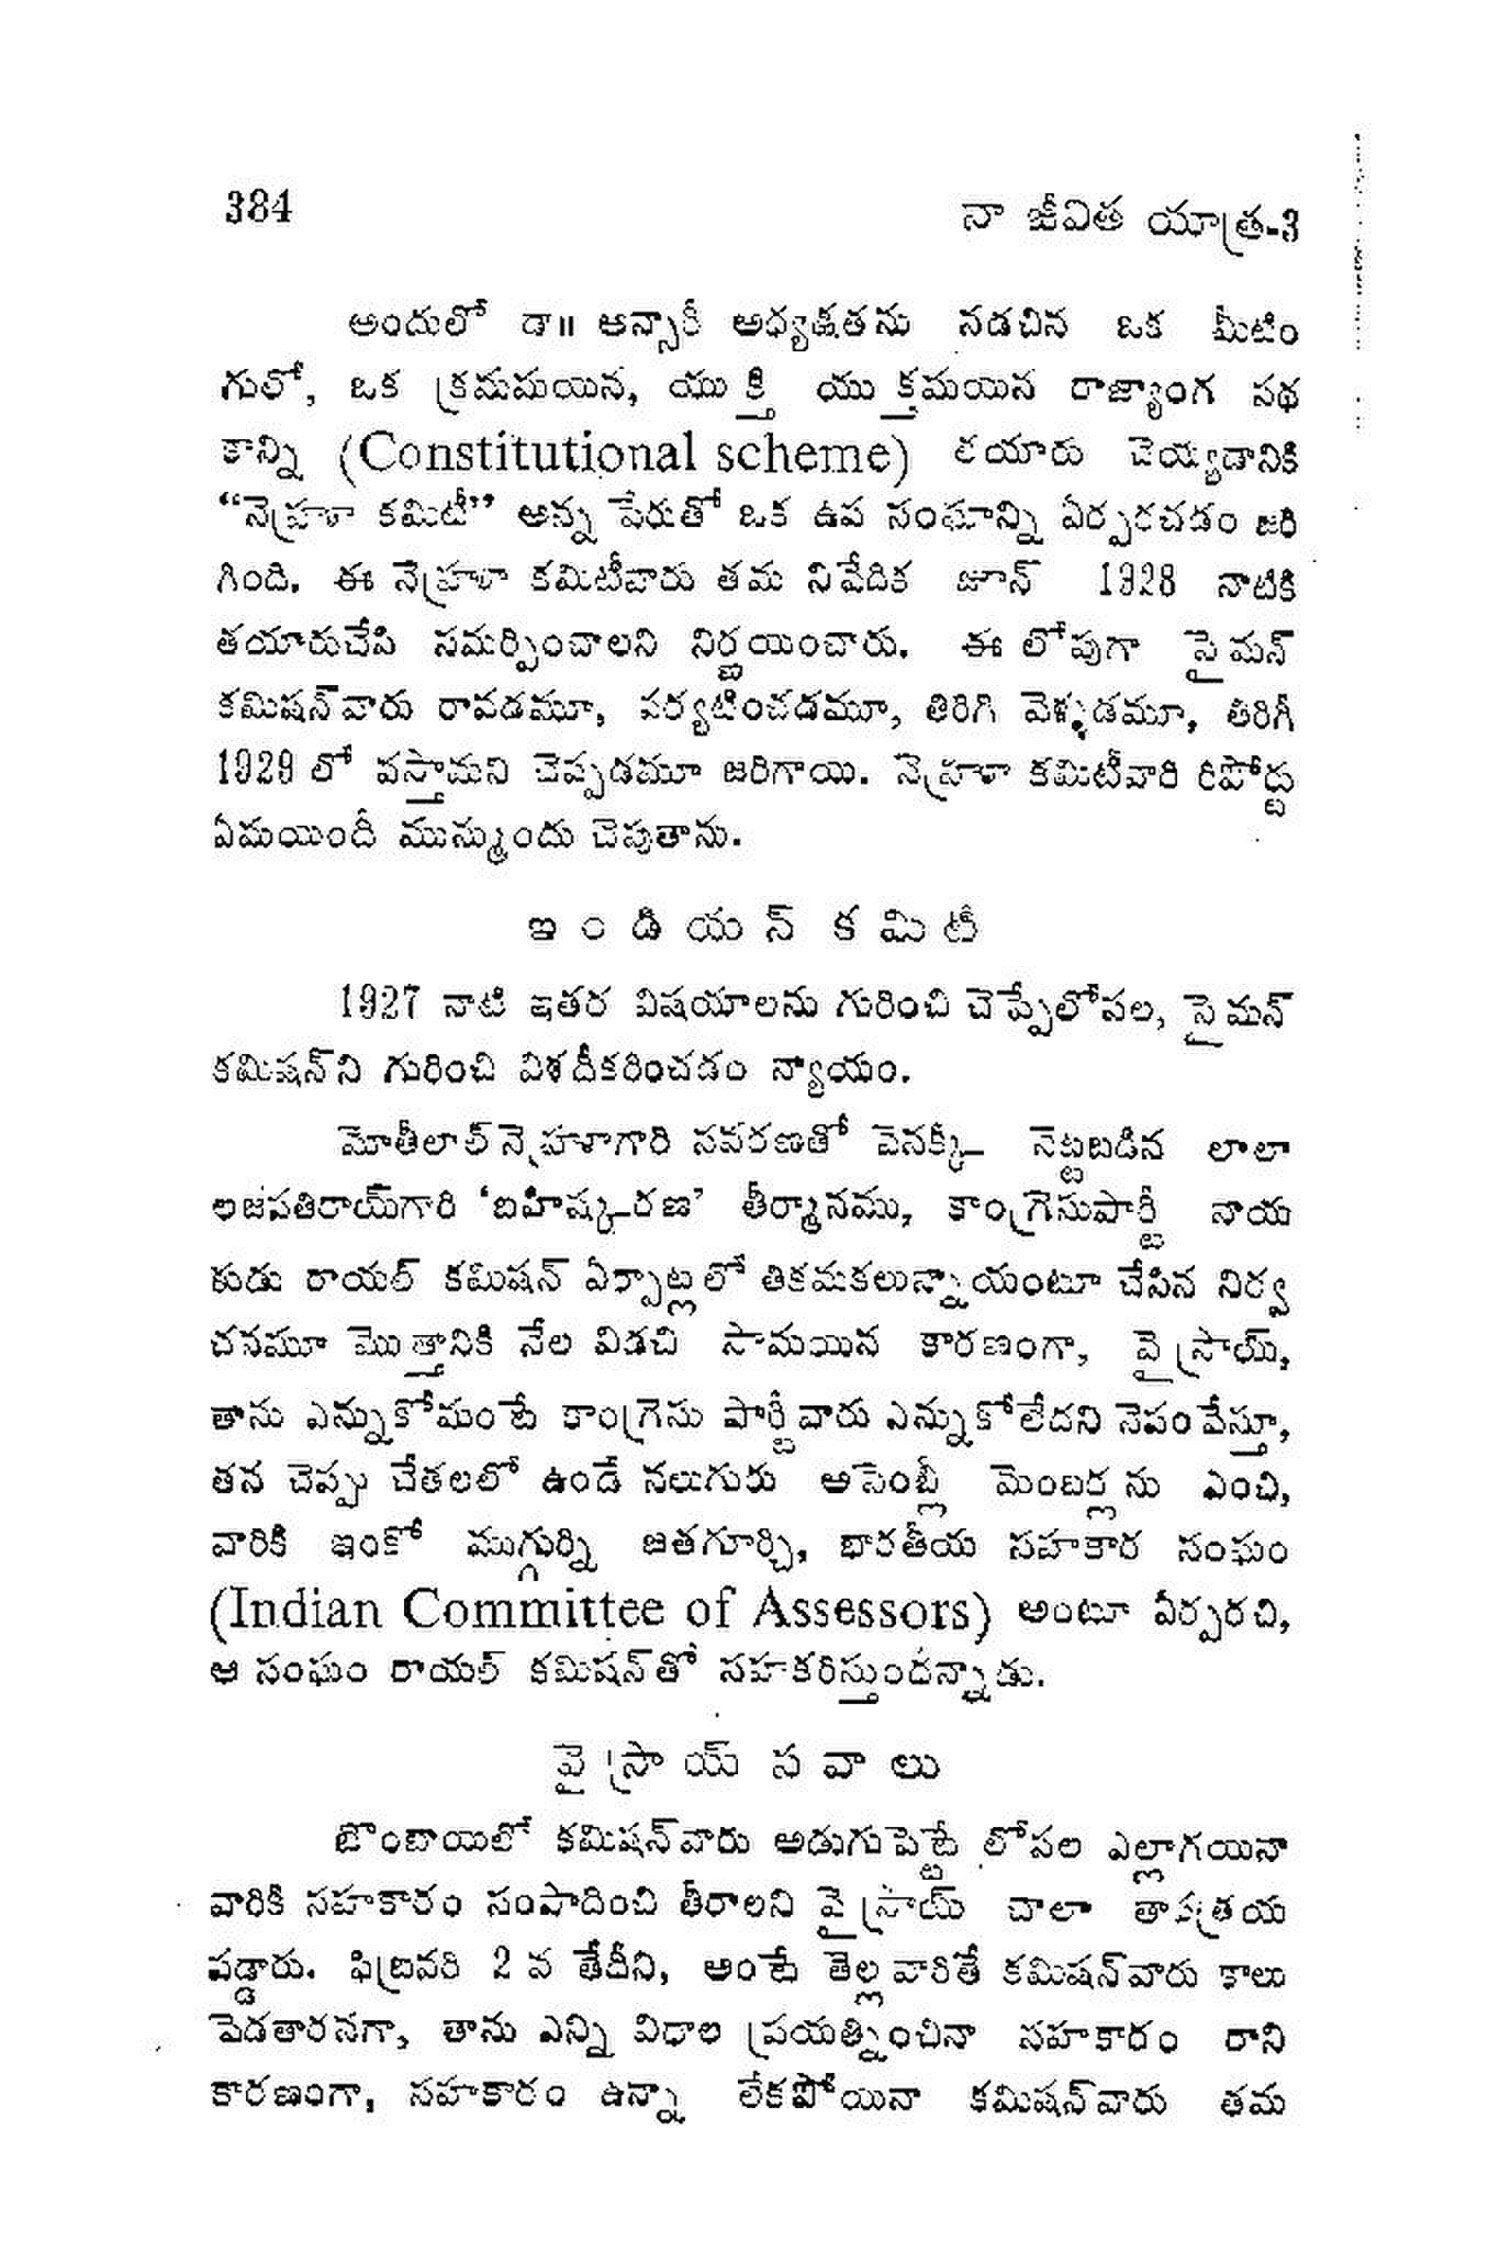అందులో డా॥ అన్సారీ అధ్యక్షతను నడచిన ఒక మీటింగులో, ఒక క్రమమయిన, యుక్తి యుక్తమయిన రాజ్యాంగ పథకాన్ని (Constitutional scheme) తయారు చెయ్యడానికి "నెహ్రూ కమిటీ" అన్న పేరుతో ఒక ఉప సంఘాన్ని ఏర్పరచడం జరిగింది. ఈ నెహ్రూ కమిటీవారు తమ నివేదిక జూన్ 1928 నాటికి తయారుచేసి సమర్పించాలని నిర్ణయించారు. ఈ లోపుగా సైమన్ కమిషన్‌వారు రావడమూ, పర్యటించడమూ, తిరిగి వెళ్ళడమూ, తిరిగీ 1929 లో వస్తామని చెప్పడమూ జరిగాయి. నెహ్రూ కమిటీవారి రిపోర్టు ఏమయిందీ మున్ముందు చెపుతాను.

1927 నాటి ఇతర విషయాలను గురించి చెప్పేలోపల, సైమన్ కమిషన్‌ని గురించి విశదీకరించడం న్యాయం

మోతీలాల్ నెహ్రూగారి సవరణతో వెనక్కి నెట్టబడిన లాలా లజపతిరాయ్‌గారి 'బహిష్కరణ' తీర్మానము, కాంగ్రెసుపార్టీ నాయకుడు రాయల్ కమీషన్ ఏర్పాట్లలో తికమకలున్నాయంటూ చేసిన నిర్వచనమూ మొత్తానికి నేల విడచి సామయిన కారణంగా, వైస్రాయ్, తాను ఎన్నుకోమంటే కాంగ్రెసు పార్టీవారు ఎన్నుకోలేదని నెపంవేస్తూ, తన చెప్పు చేతులలో ఉండే నలుగురు అసెంబ్లీ మెంబర్లను ఎంచి, వారికి ఇంకో ముగ్గుర్ని జతగూర్చి, భారతీయ సహకార సంఘం (Indian Committee of Assessors) అంటూ ఏర్పరచి, ఆ సంఘం రాయల్ కమిషన్‌తో సహకరిస్తుందన్నాడు.

బొంబాయిలో కమిషన్‌వారు అడుగుపెట్టే లోపల ఎల్లాగయినా వారికి సహకారం సంపాదించి తీరాలని వైస్రాయ్ చాలా తాపత్రయపడ్డారు. ఫిబ్రవరి 2 వ తేదీని, అంటే తెల్లవారితే కమిషన్‌వారు కాలు పెడతారనగా, తాను ఎన్ని విధాల ప్రయత్నించినా సహకారం రాని కారణంగా, సహకారం ఉన్నా లేకపోయినా కమిషన్‌వారు తమ